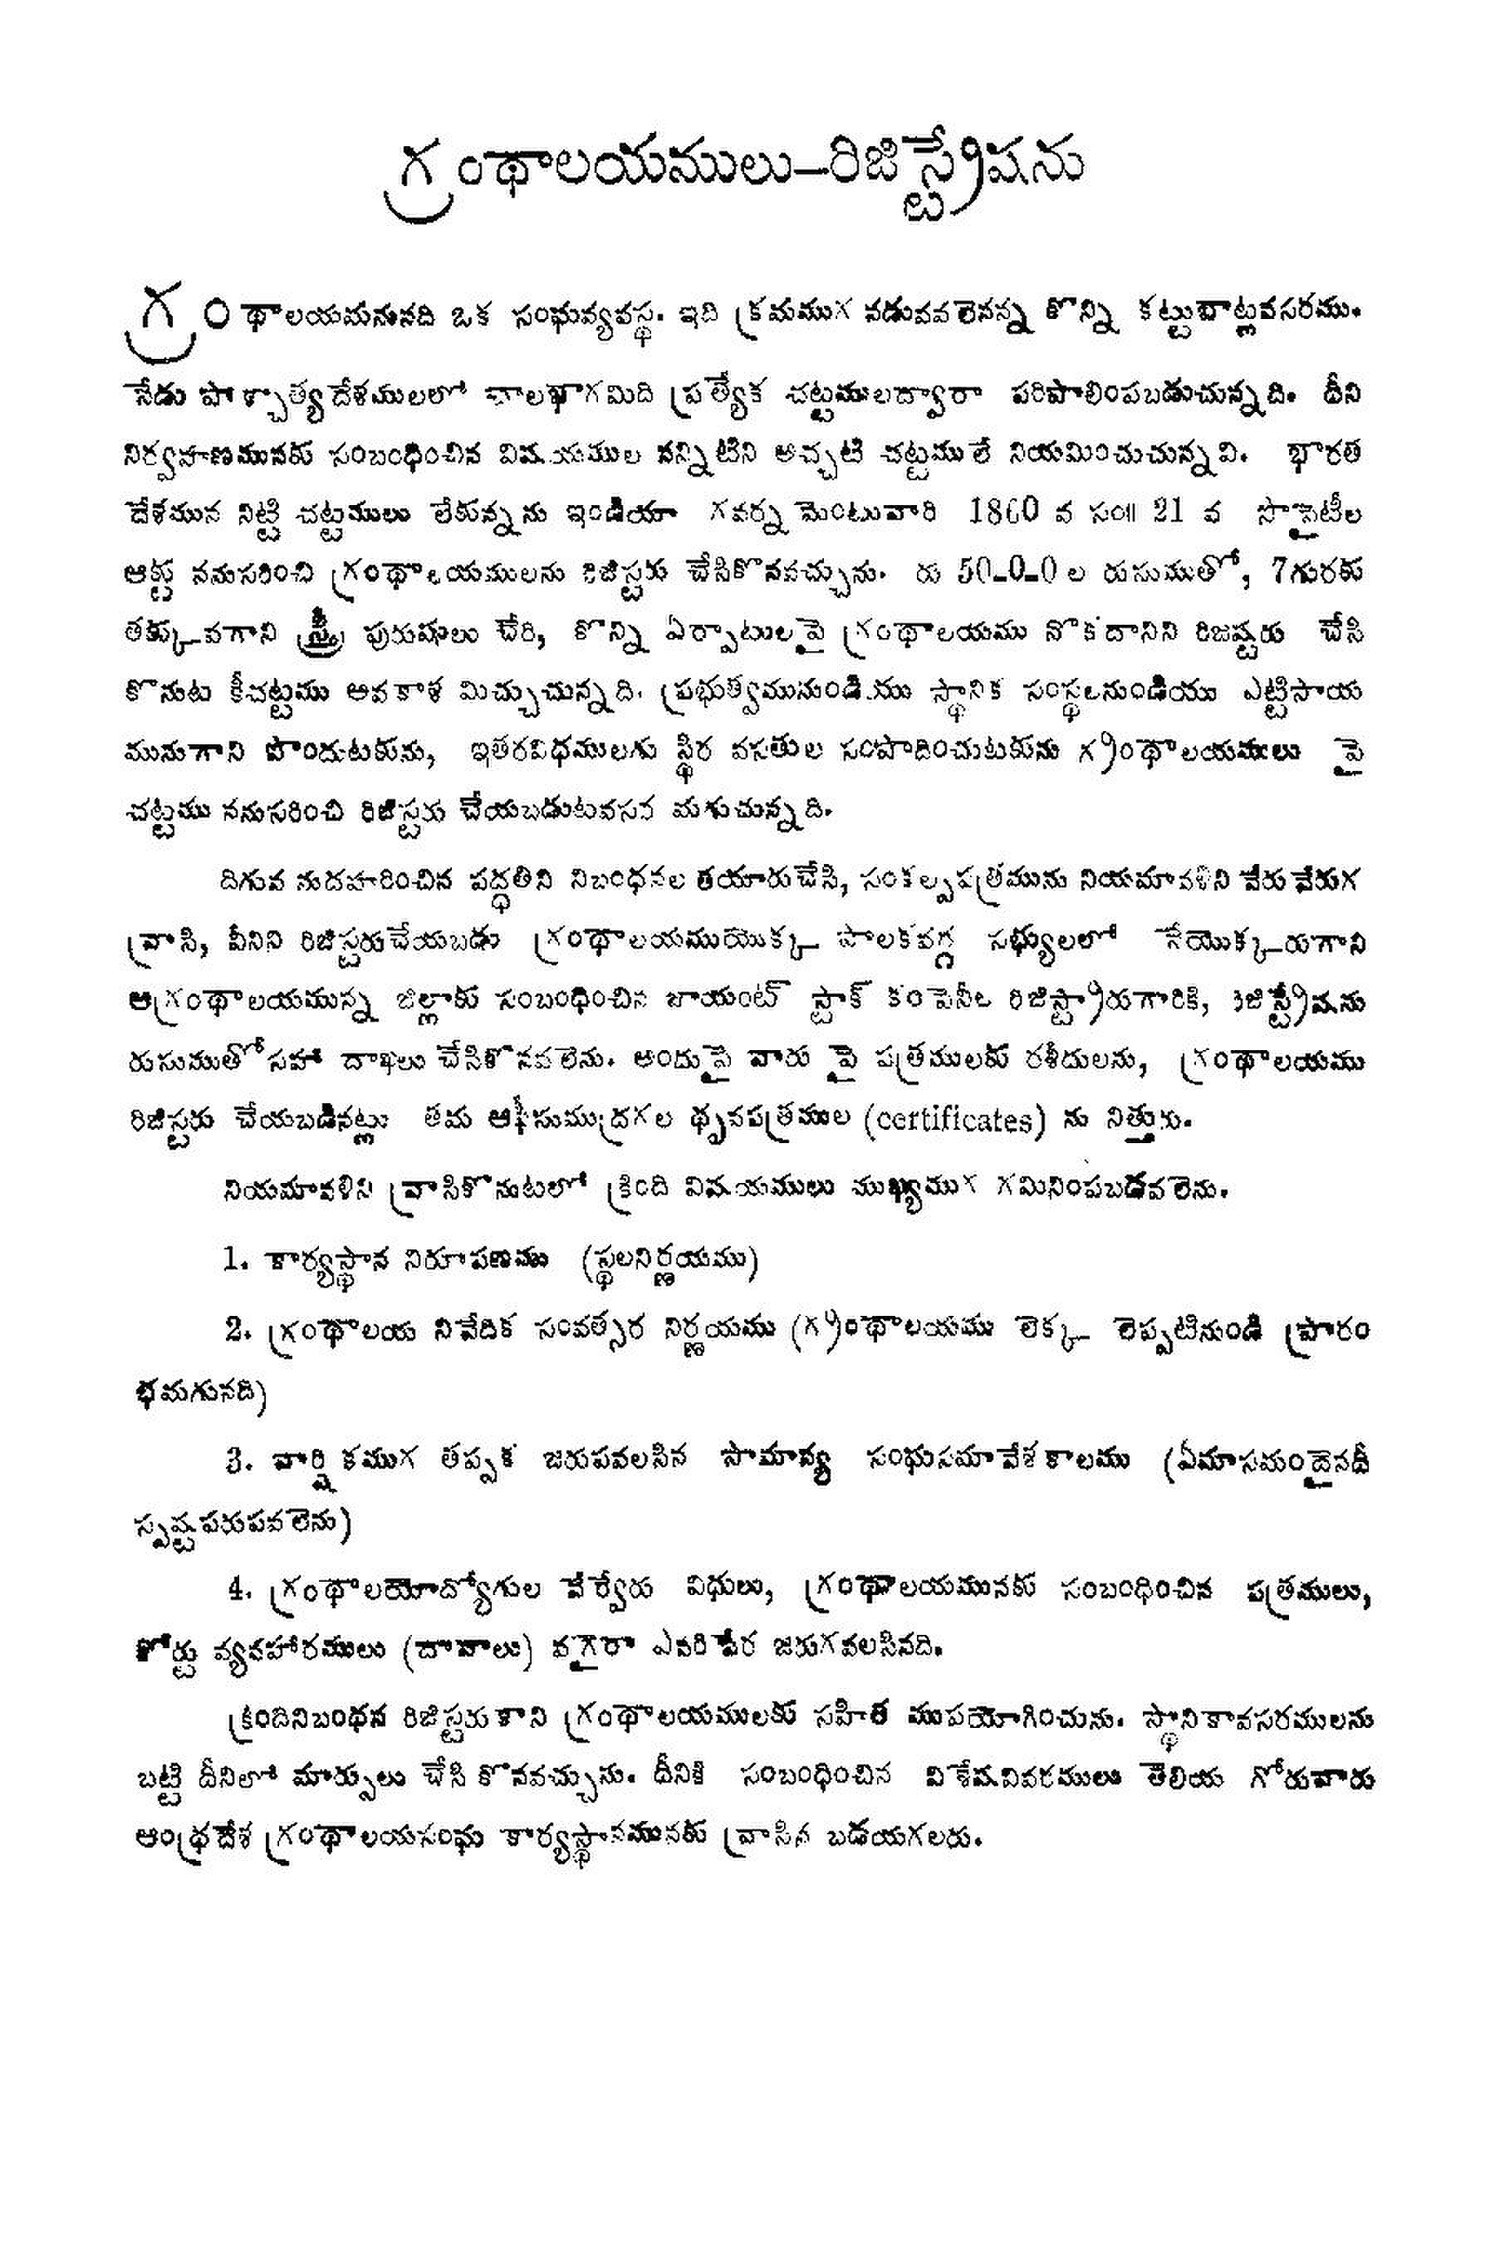గ్రా౦థాలయమనునది ఒక సంఘవ్యవస్థ. ఇది క్రమముగ నడువవలెనన్న కొన్ని కట్టుబాట్లవసరము.

నేడు పాశ్చాత్య దేశములలో చాలభాగమిది ప్రత్యేక చట్టములద్వారా పరిపాలింపబడుచున్నది. దీని నిర్వహణమునకు 
సంబంధించిన విషయముల నన్నిటిని అచ్చటి చట్టములే నియమించుచున్నవి. భారత దేశమున నిట్టి చట్టములు 
లేకున్నను ఇండియా గవర్న మెంటువారి 1800 వ సం॥ 21 వ సొసైటీల ఆక్ట్ ననుసరించి గ్రంథాలయములను రిజిస్టరు 
చేసికొనవచ్చును. రు 50-00 ల రుసుముతో, 7 గురకు తక్కువగాని స్త్రీ పురుషులు చేరి, కొన్ని ఏర్పాటులపై గ్రంథాలయము 
నొకదానిని రిజిష్టరు చేసికొనుట కీచట్టము అవకాశ మిచ్చుచున్నది. ప్రభుత్వమునుండియు స్థానిక సంస్థలనుండియు ఎట్టిసాయ
మునుగాని పొందుటకును, ఇతరవిధములగు స్థిర వసతుల సంపాదించుటకును గ్రంథాలయములు పై చట్టము ననుగురించి 
రిజిస్టరు చేయబడుటవసన మగుచున్నది.

దిగువ నుదహరించిన పద్ధతిని నిబంధనలు తయారుచేసి, సంకల్పపత్రమును నియమావళిని వేరువేరుగ వ్రాసి, వీనిని 
రిజిస్టరు చేయబడు గ్రంథాలయముయొక్క పాలకవర్గ సభ్యులలో గేయొక్కరుగాని అగ్రంథాలయమున్న జిల్లాకు సంబంధించిన 
జాయంట్ స్టాక్ కంపెనీట రిజిస్ట్రారు గారికి, రిజిస్ట్రేషను రుసుముతో సహా దాఖలు చేసికొనవలెను. అందుపై వారు పై పత్రములకు రశీదులను, గ్రంథాలయము రిజిస్టరు చేయబడినట్లు తమ ఆఫీసుముద్రగల ధృవపత్రముల (certificates) ను నిత్తుకు.
నియమావళిని వ్రాసికొనుటలో క్రింది విషయములు ముఖ్యముగ గమినింపబడవలెను.

 కార్యస్థాన నిరూపణము (స్థలనిర్ణయము)
 గ్రంథాలయ నివేదిక సంవత్సర నిర్ణయము (గ్రంథాలయము లెక్క లెప్పటినుండి ప్రారంభమగునది)
 వార్షి కముగ తప్పక జరుపవలసిన సామాన్య సంఘసమావేశకాలము (ఏమాసమందైనదీ స్పష్ట పరుపవలెను)
గ్రంథాలయోద్యోగుల వేర్వేరు విధులు, గ్రంథాలయమునకు సంబంధించిన పత్రములు, కోర్టు వ్యవహారములు (దావాలు) వగైరా ఎవరి పేర జరుగవలసినది.

క్రిందినిబంధన రిజిస్టరు కాని గ్రంథాలయములకు సహిత ముపయోగించును. స్థానికావసరములను బట్టి దీనిలో మార్పులు చేసి కొనవచ్చును. దీనికి సంబంధించిన విశేషవివరములు తెలియ గోరువారుఆంధ్రదేశ గ్రంథాలయసంమ కార్యస్థానమునకు వ్రాసిన బడయగలరు.